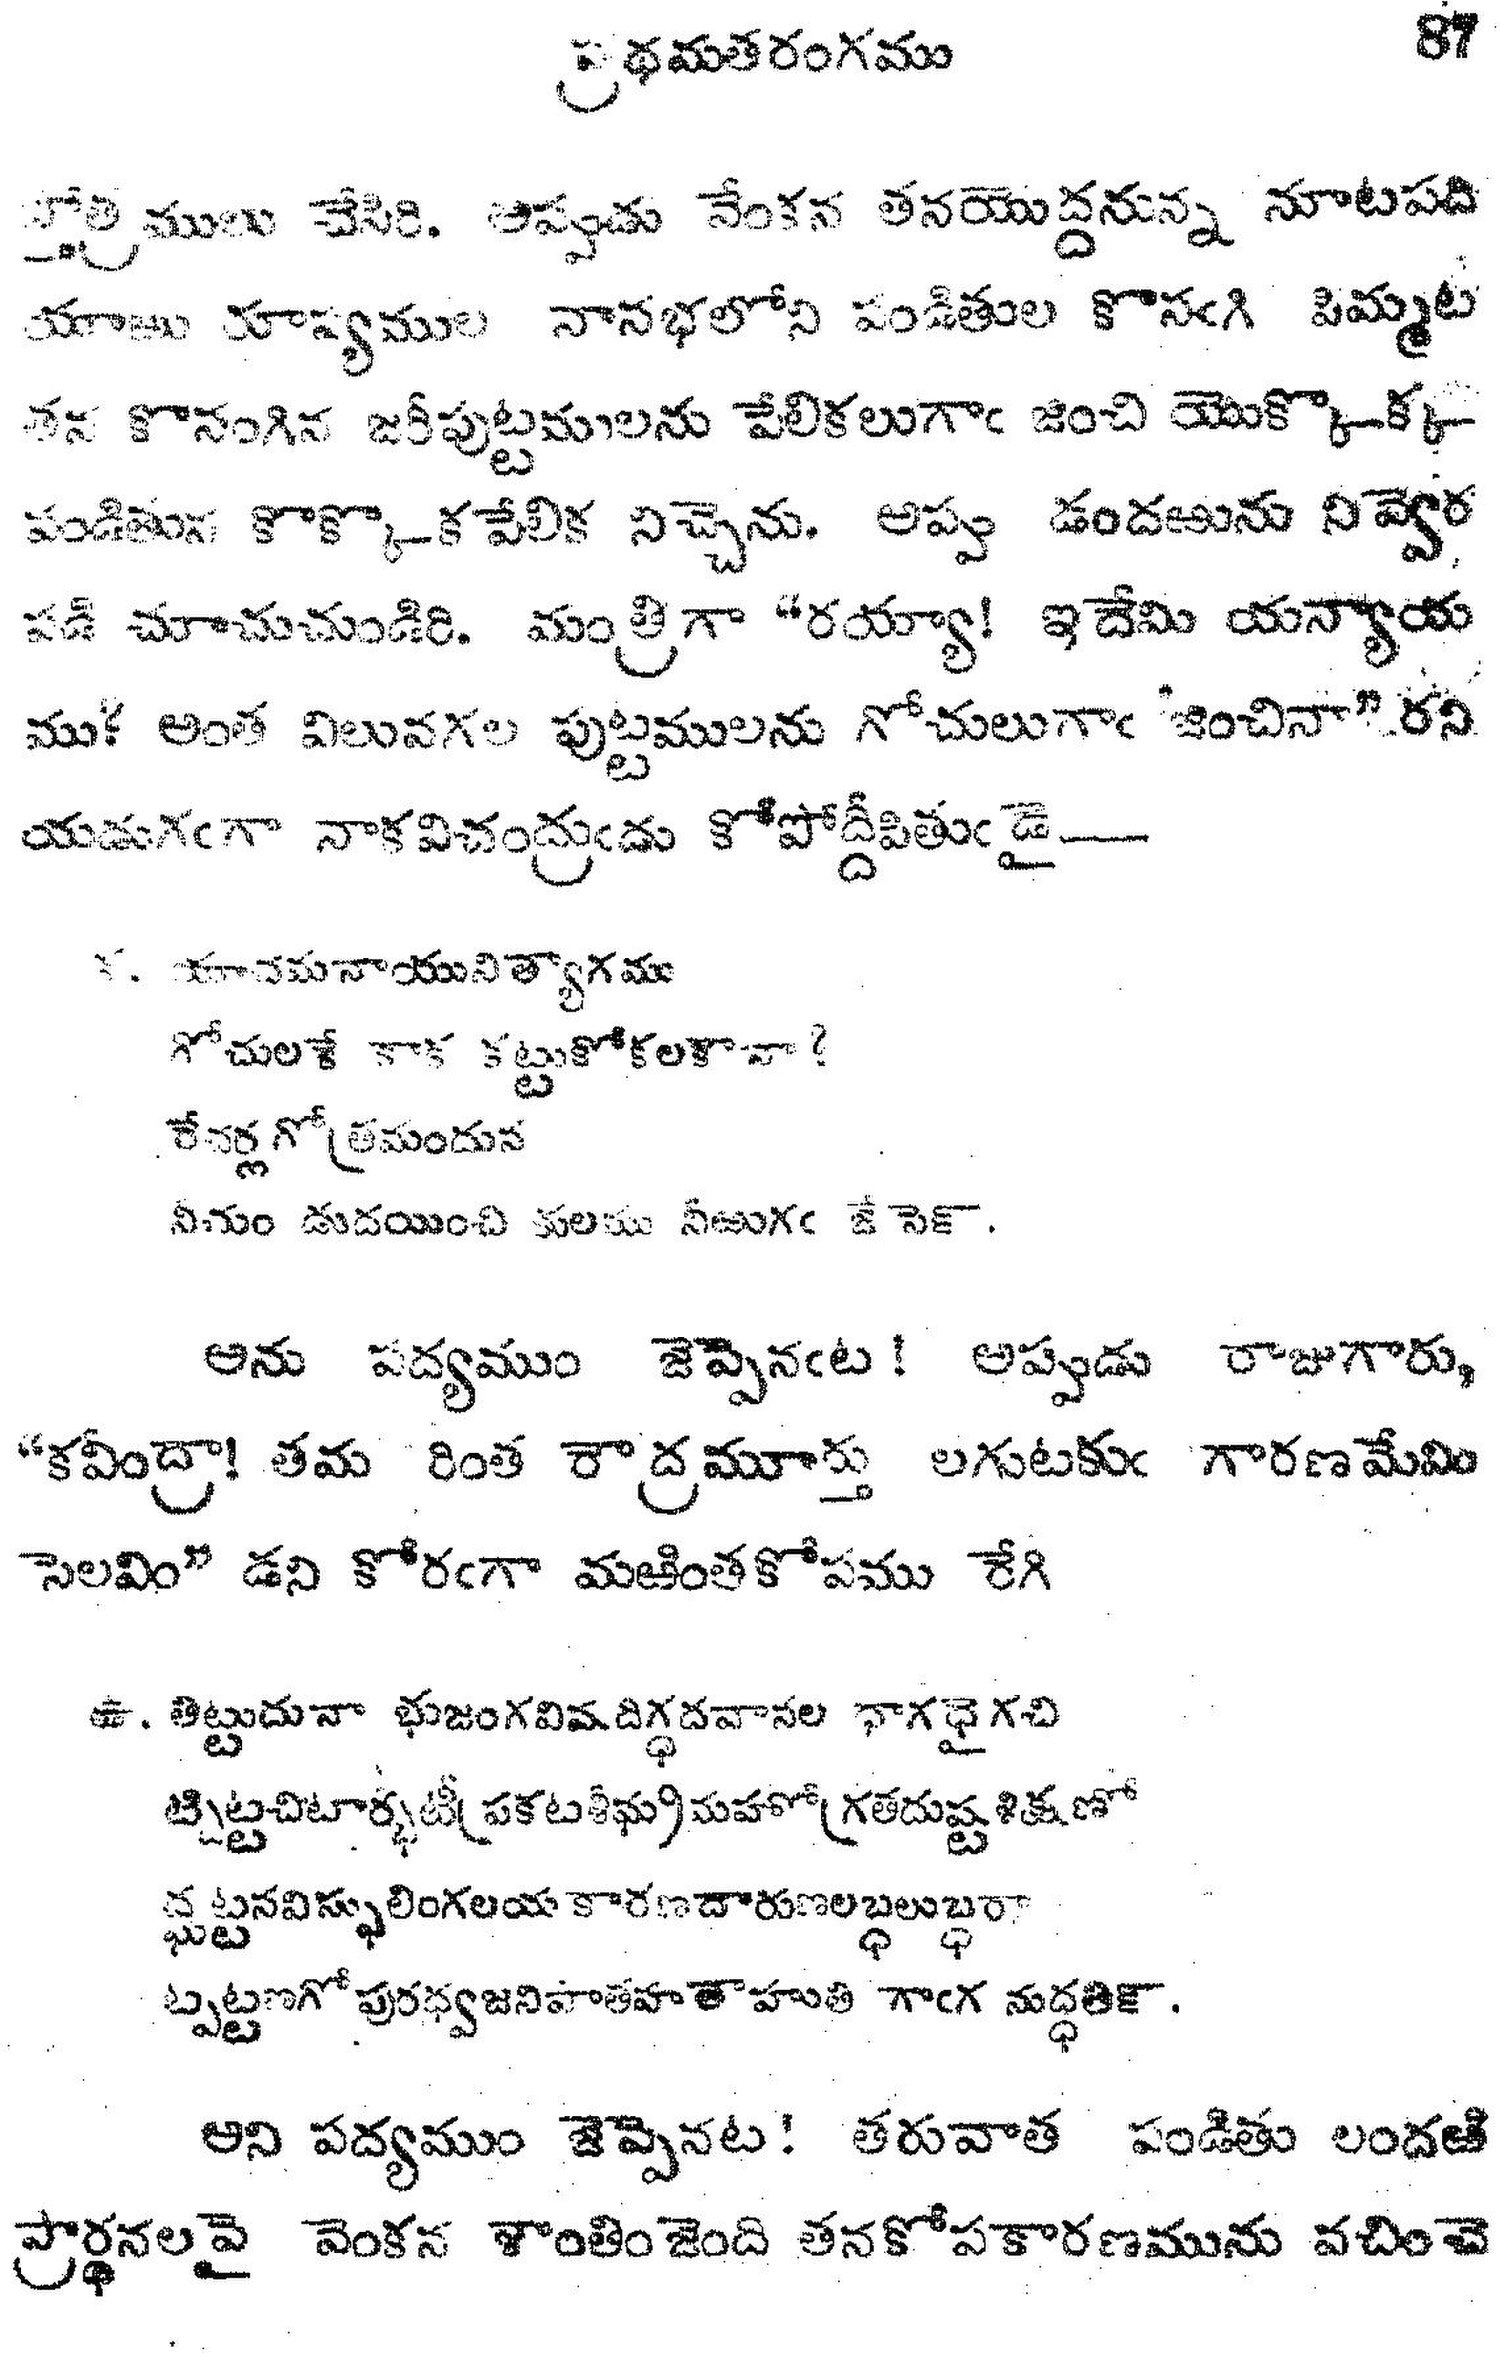స్తోత్రములు చేసిరి. అప్పుడు వేంకన తనయొద్దనున్న నూటపదియాఱు రూప్యముల నాసభలోని పండితుల కొసఁగి పిమ్మట తన కొసంగిన జరీపుట్టములను పేలికలుగాఁ జించి యొక్కొక్కపండితున కొక్కొక్కపేలిక నిచ్చెను. అప్పు డందఱును నివ్వెరపడి చూచుచుండిరి. మంత్రిగా “రయ్యా! ఇదేమి యన్యాయము? అంత విలువగల పుట్టములను గోచులుగాఁ జించినా”రని యడుగఁగా నాకవిచంద్రుఁడు కోపోద్దీపితుఁడై—

క. యాచమనాయునిత్యాగము
 గోచులకే కాక కట్టుకోకలకౌనా?
 రేచర్లగోత్రమందున
 నీచుం డుదయించి కులము నీఱుగఁ జేసెన్.

అను పద్యముం జెప్పెనఁట! అప్పుడు రాజుగారు “కవీంద్రా! తమ రింత రౌద్రమూర్తు లగుటకుఁ గారణమేమి సెలవిం”డని కోరఁగా మఱింతకోపము రేగి

ఉ. తిట్టుదునా భుజంగవిషదిగ్ధదవానలధాగధైగచి
 ట్చిట్టచిటార్భటీప్రకటశీఘ్రమహోగ్రతదుష్టశిక్షణో
 ద్ఘట్టనవిస్ఫులింగలయకారణదారుణలబ్ధలుబ్ధరా
 ట్పట్టణగోపురధ్వజనిపాతహతాహుతి గాఁగ నుద్ధతిన్.

అని పద్యముం జెప్పెనట! తరువాత పండితు లందఱి ప్రార్థనలపై వెంకన శాంతింజెంది తనకోపకారణమును వచించె